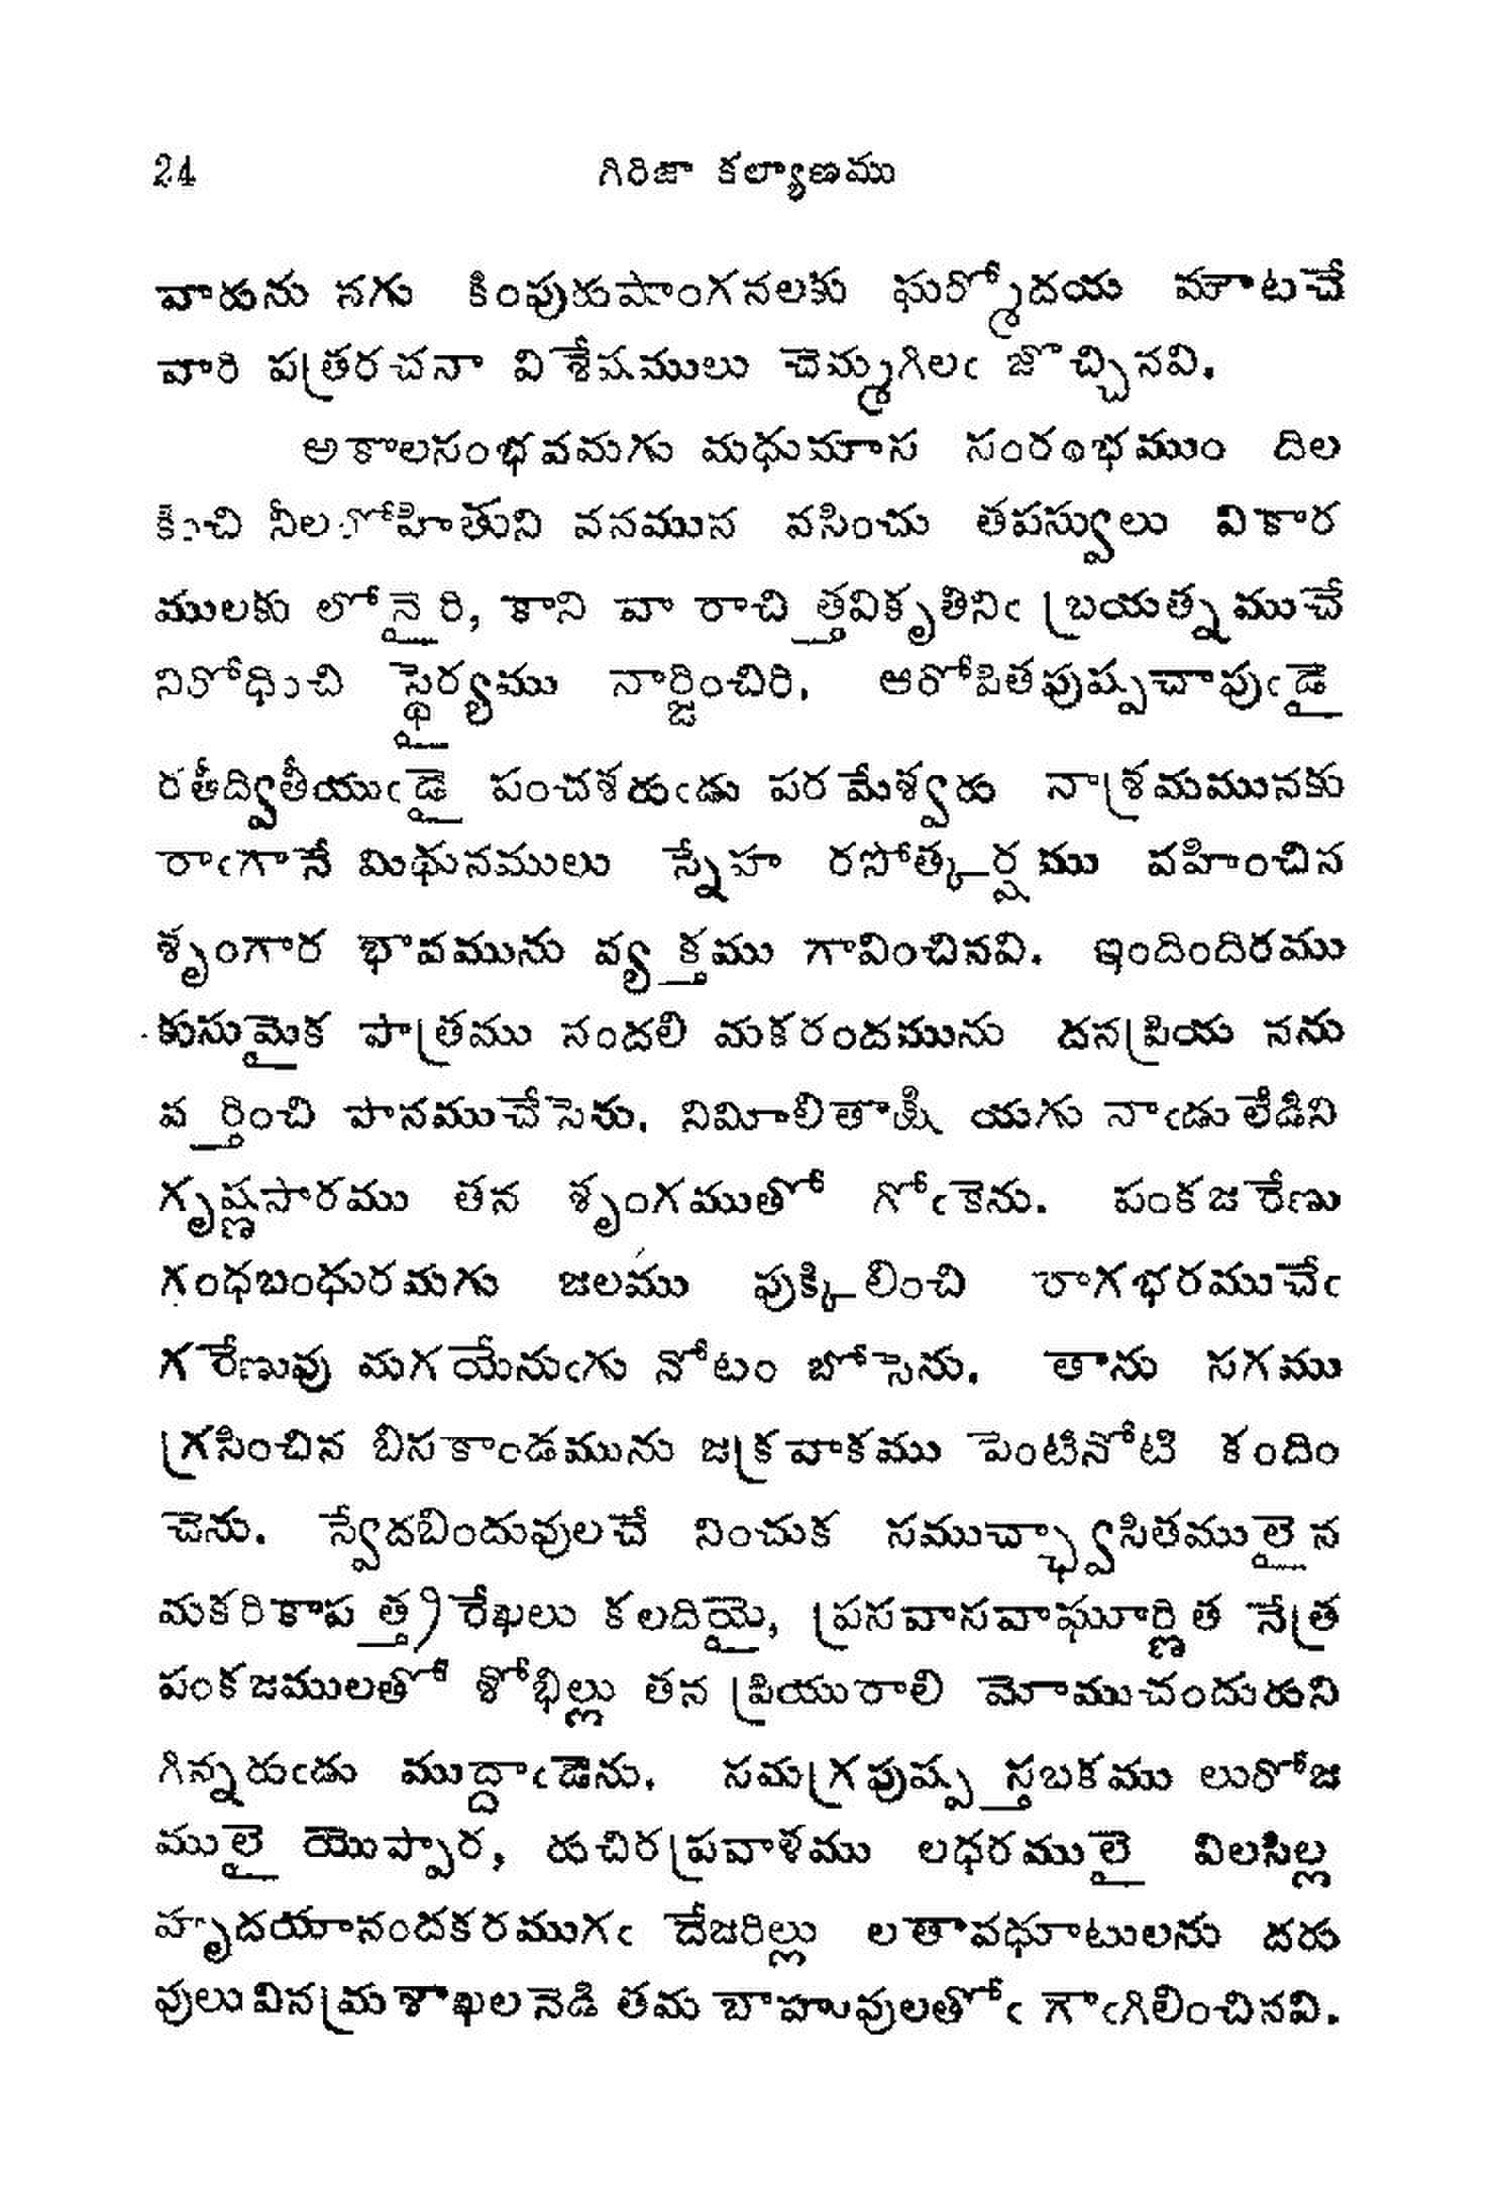వారును నగు కింపురుషాంగనలకు ఘర్మోదయ మౌటచే వారి పత్రరచనా విశేషములు చెమ్మగిలఁ జొచ్చినవి.

అకాలసంభవమగు మధుమాస సంరంభముం దిలకించి నీలలోహితుని వనమున వసించు తపస్వులు వికారములకు లోనైరి, కాని వా రాచి త్తవికృతినిఁ బ్రయత్నముచే నిరోధించి స్థైర్యము నార్జించిరి, ఆరోపిత పుష్పచావుఁడై రతీద్వితీయుఁడై పంచశరుఁడు పరమేశ్వరు నాశ్రమమునకు రాగానే మిథునములు స్నేహ రసోత్కర్షము వహించిన శృంగార భావమును వ్యక్తము గావించినవి. ఇందిందిరము కుసుమైక పాత్రము నందలి మకరందమును దనప్రియ ననువర్తించి పానము చేసెను, నిమీలితాక్షి యగు నాఁడు లేడిని గృష్ణసారము తన శృంగముతో గోఁకెను. పంకజ రేణు గ్రంధబంధురమగు జలము పుక్కిలించి రాగభరము చేఁగ రేణువు మగ యేనుఁగు నోటం బోసెను, తాను సగము గ్రసించిన బిసకాండమును జక్రవారము పెంటినోటి కందించెను. స్వేదబిందువులచే నించుక సముచ్ఛ్వాసితములైన మకరికాప త్య్ర రేఖలు కలదియై, ప్రసవాసవాఘూర్ణిత నేత్ర పంకజములతో శోభిల్లు తన ప్రియురాలి మోముచందురుని గిన్నరుఁడు ముద్దాఁడెను. సమగ్ర పుష్ప స్తబకము లురోజములై యొప్పార, రుచిరప్రవాళము లధరములై విలసిల్ల హృదయానందకరముగఁ దేజరిల్లు లతావధూటులను దరువులు వినమ్ర శాఖల నెడి తమ బాహువులతోఁ గౌఁగిలించినవి.